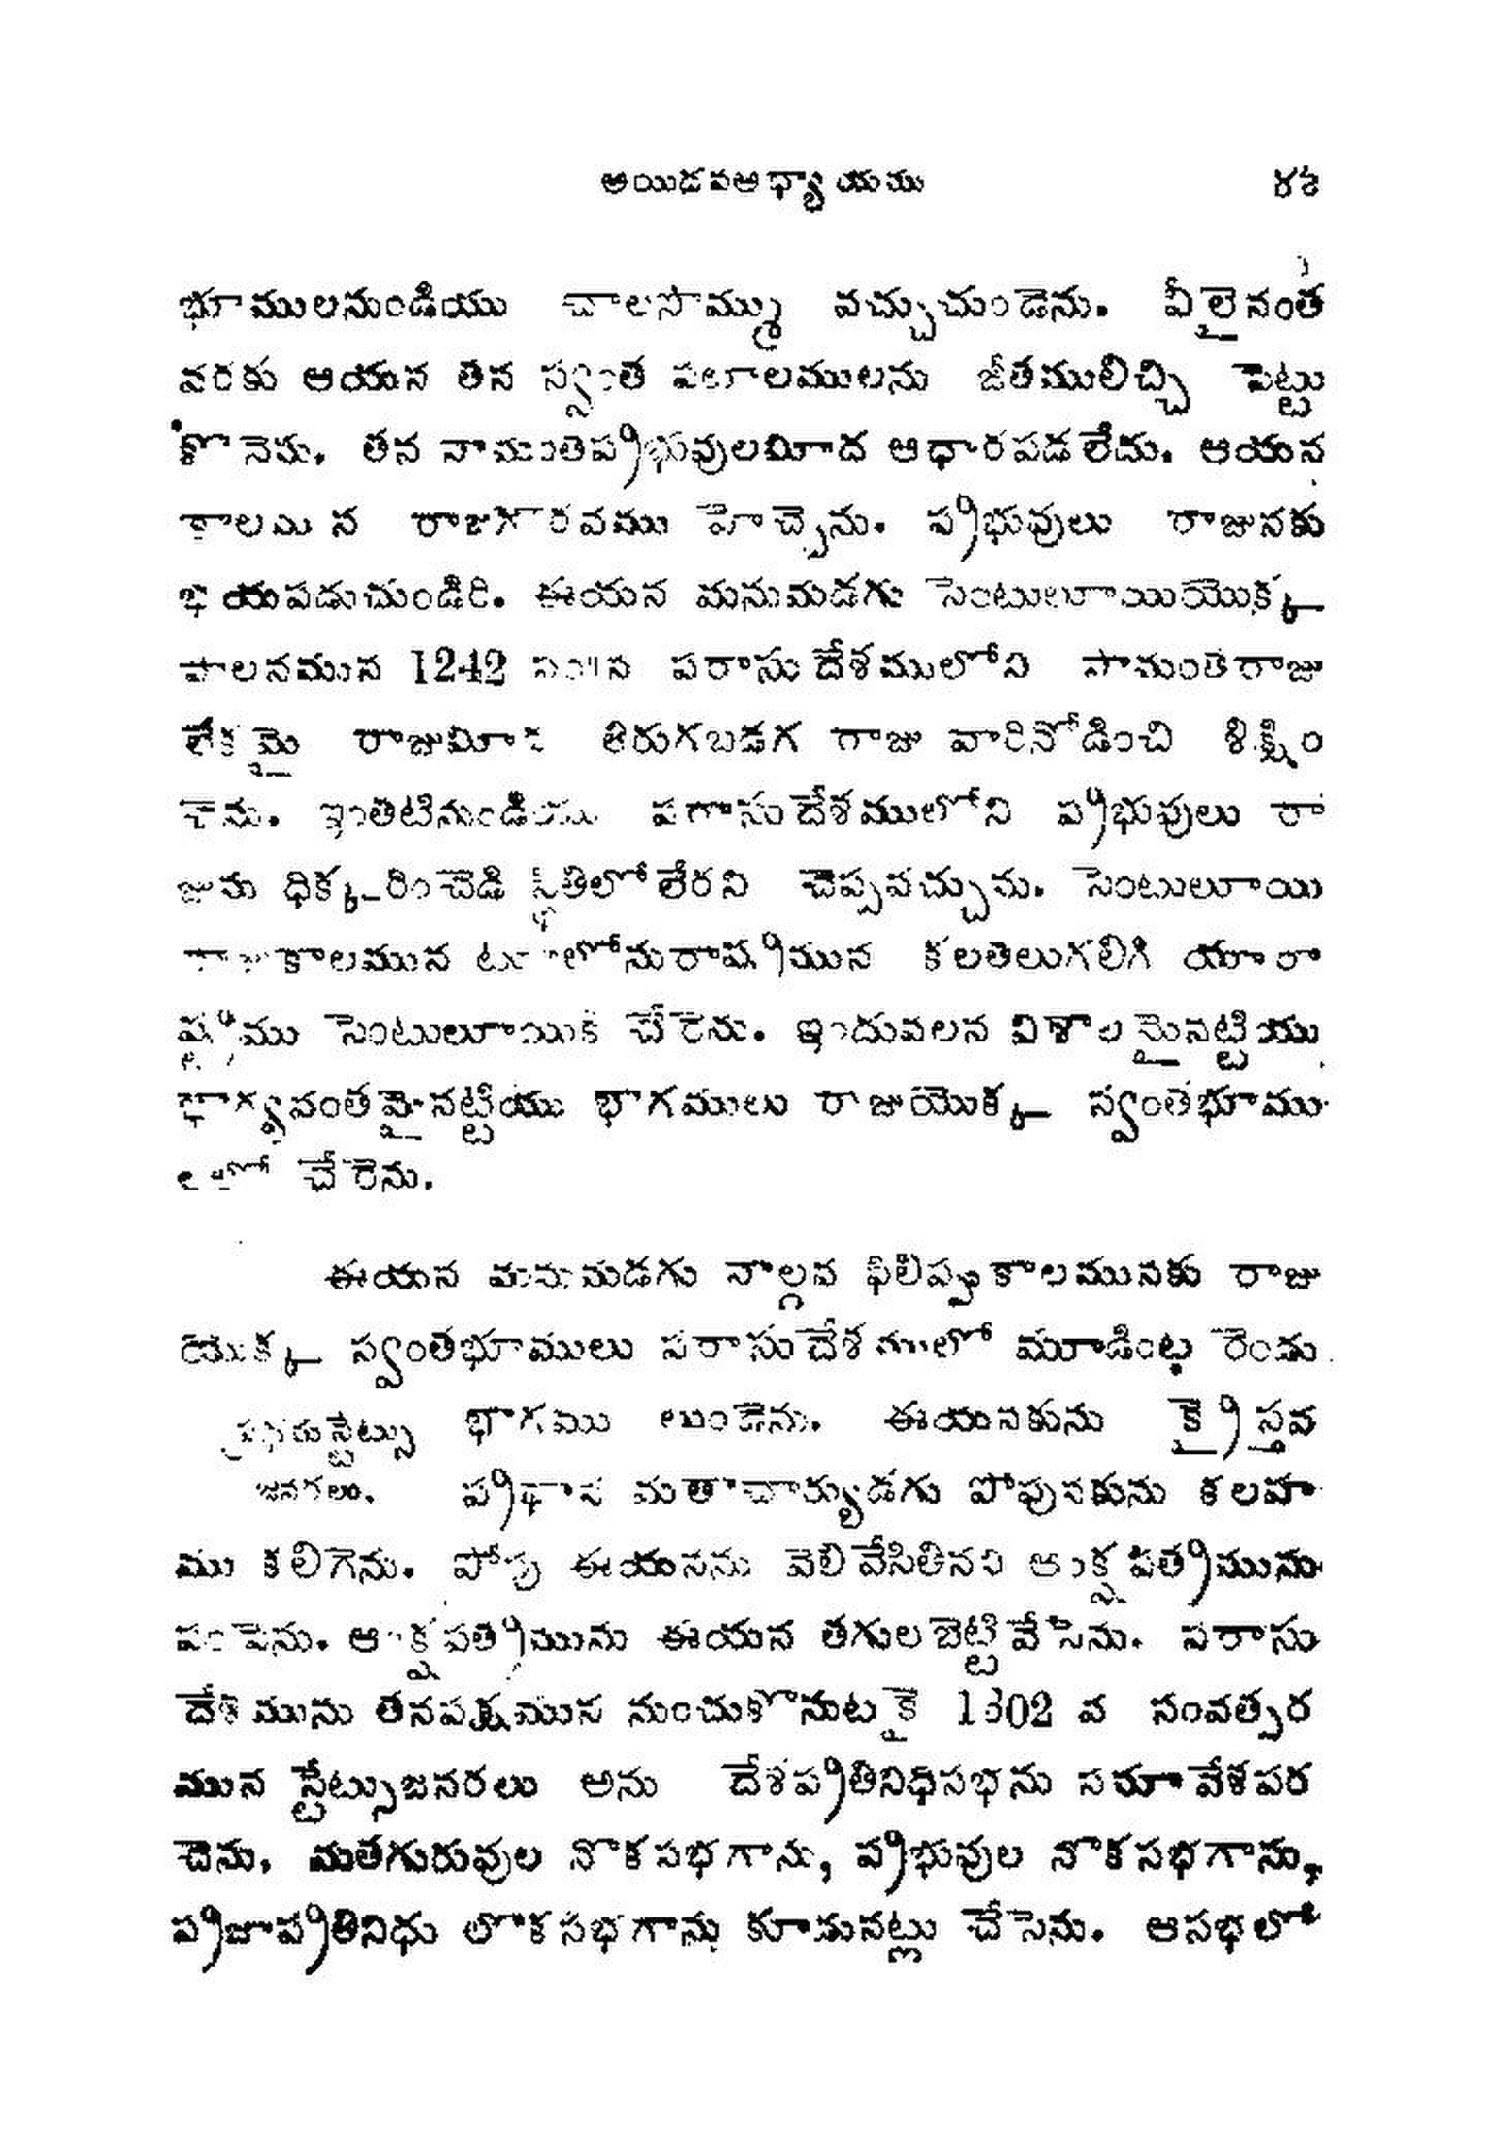భూములనుండియు చాల సొమ్ము వచ్చుచుండెను. వీలైనంత
వరకు ఆయన తన స్వంత పటాలములను జీతములిచ్చి పెట్టు
కొనెను. తన సామంత ప్రభువుల మీద ఆధారపడ లేదు. ఆయన
కాలమున రాజుగౌరవము హెచ్చెను. ప్రభువులు రాజునకు
భయపడుచుండిరి. ఈయన మనుమడగు సెంటులూయి యొక్క
పాలనమున 1242 సం.న పరాసు దేశములోని సామంత రాజు
లేక మై రాజుమీద తిరుగబడగ రాజు వారినోడించి శిక్షిం
చెను. ఇంతటినుండియు పరాసు దేశములోని ప్రభువులు రా
జును ధిక్కరించెడి స్థితిలో లేరని చెప్పవచ్చును. సెంటులూయి
రాజుకాలమున టూలోను రాష్ట్ర మున కలతలు గలిగి యరా
ష్ట్రము "సెంటులూయిస్ కి చేరెను. ఇందువలన విశాలలమైనట్టియు
భాగ్యవంత మైనట్టియు భాగములు రాజు యొక్క స్వంతభూము'
లలో చేరెను.

ప్త్రథమ స్టేట్సు
జనరలు.

ఈయన మనుమడగు నాల్గవ ఫిలిప్పు కాలమునకు రాజు
యొక్క స్వంతభూములు పరాసు చేశములో మూడింట రెండు
భాగము లుండెను. ఈయనకును క్రైస్తవ ప్రధాన మతాచార్యుడగు పోపునకును కలహ
ము కలిగెను. పోపు ఈయనను వెలి వేసితినని ఆంక్ష పత్రమును
పంపెను. ఆంక్ష పత్రమును ఈయన తగుల బెట్టి వేసెను. పరాసు
దేశమును తనపక్షమున నుంచుకొనుటకై 1302 వ సంవత్సర
మున స్టేట్సుజనరలు అను దేశ ప్రతినిధి సభను సమావేశ పర
చెను, మతగురువుల నొక సభ గాను, ప్రభువుల నొక సభగాసు,
ప్రజాప్రతినిధు లొక సభ గాను కూడునట్లు చేసెను. ఆసభలో